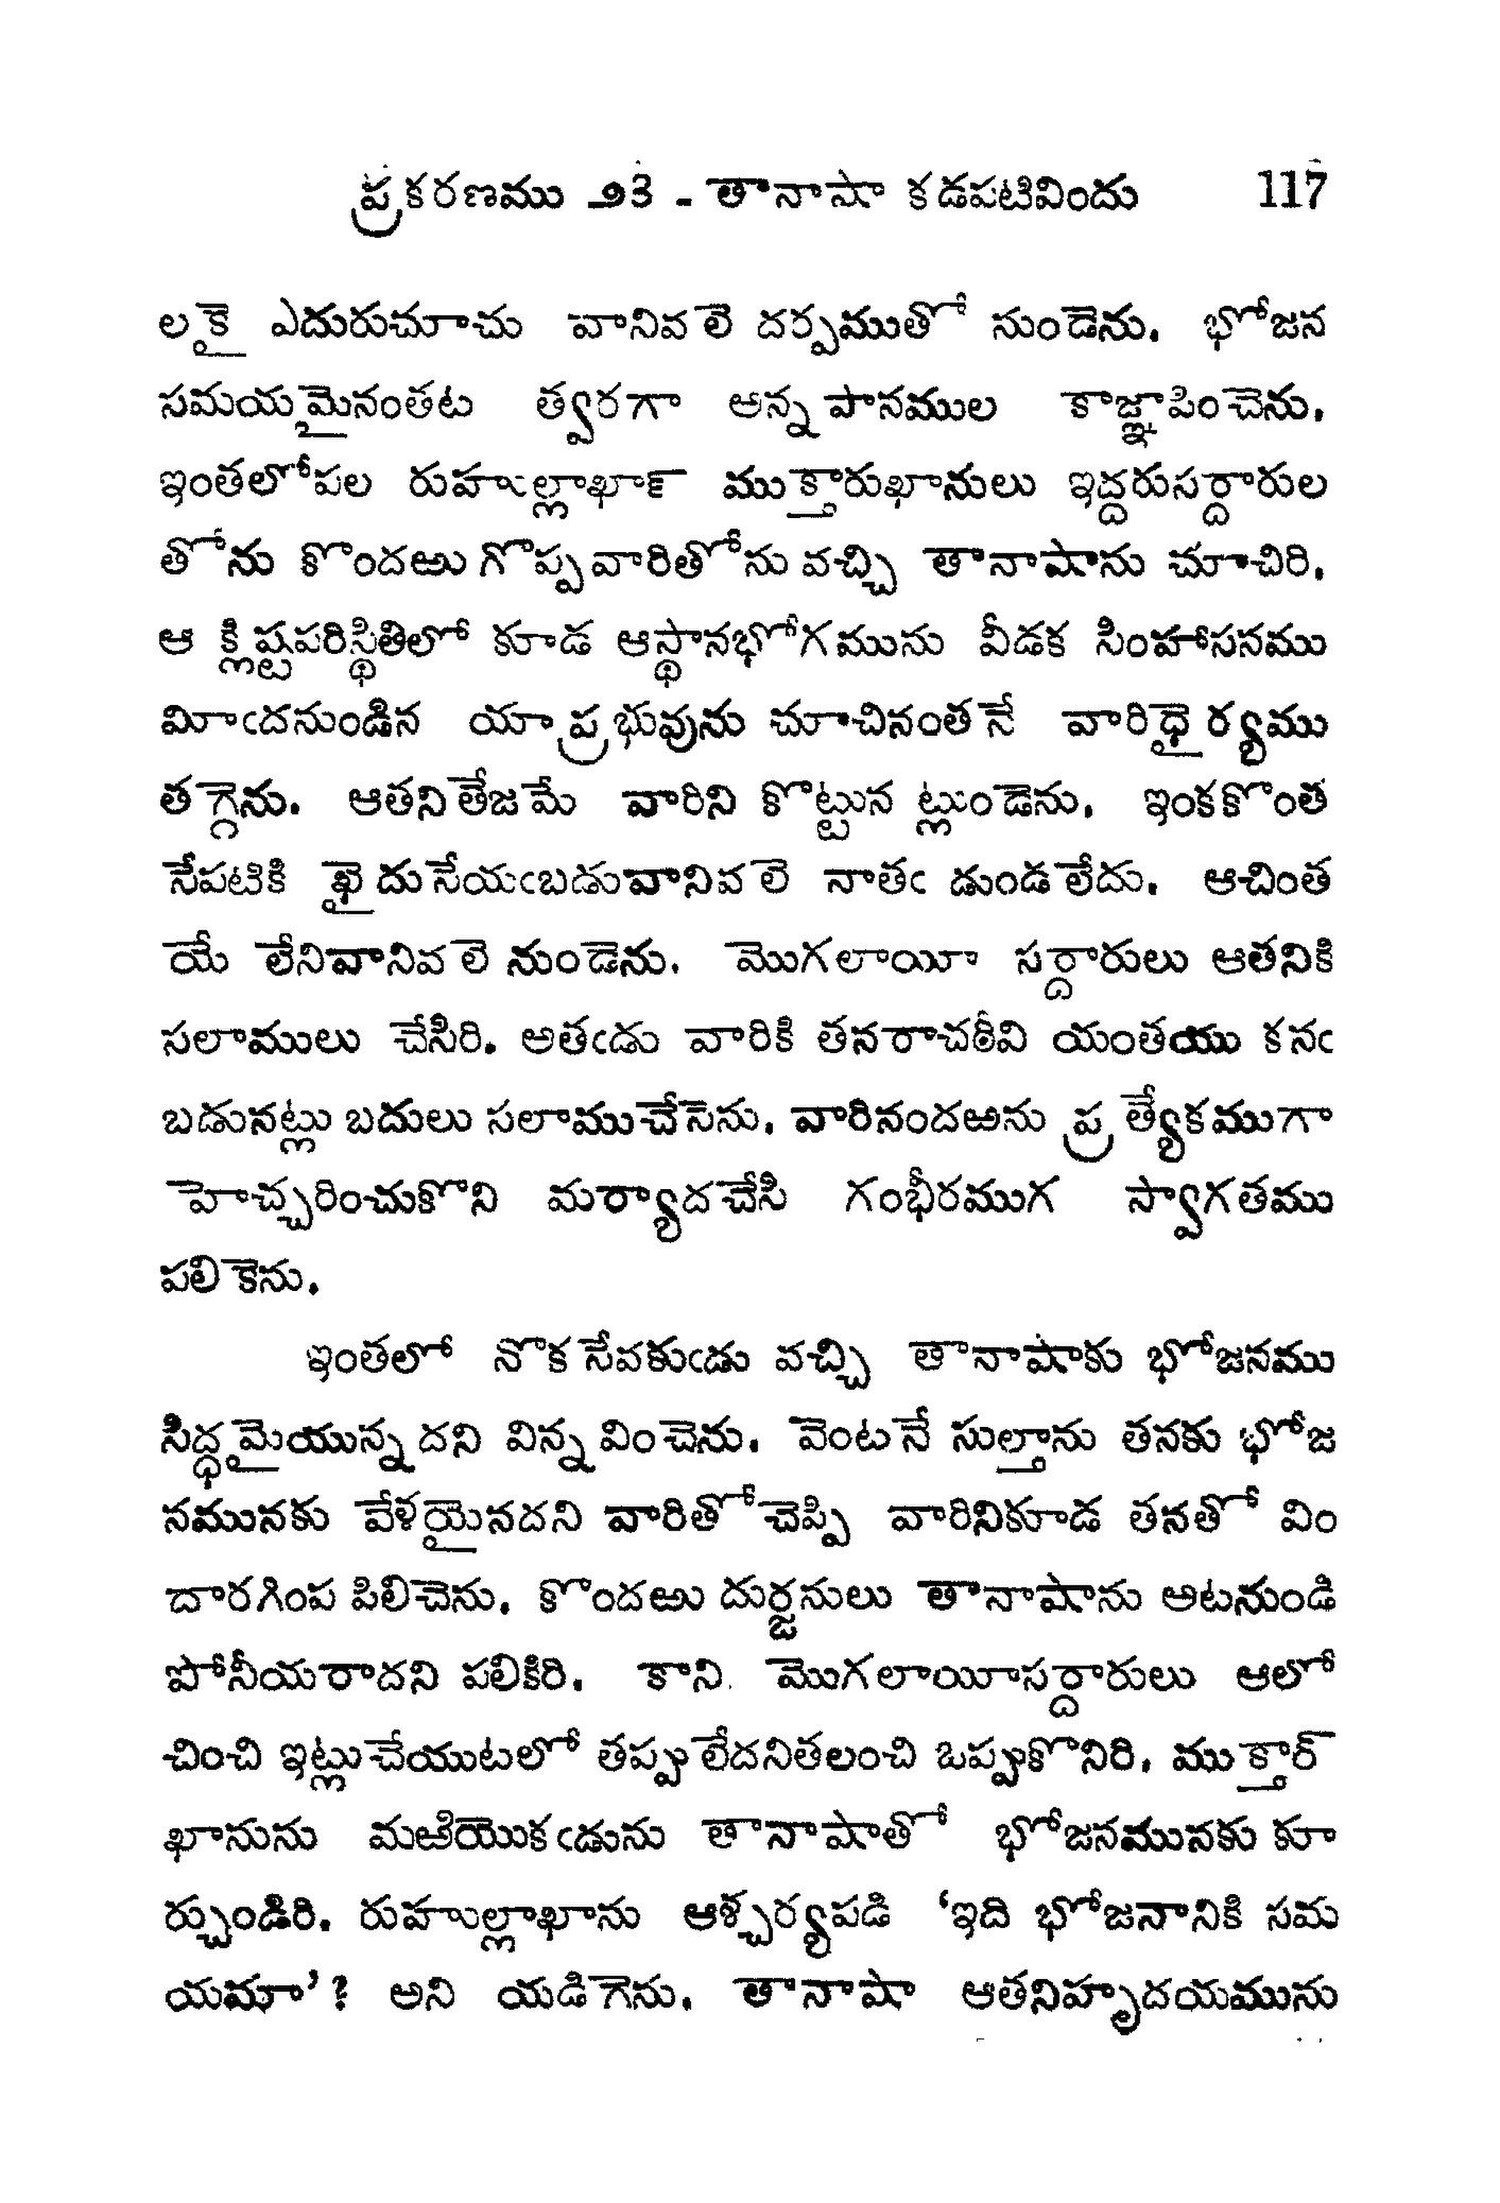లకై ఎదురుచూచు వానివలె దర్పముతో నుండెను. భోజన సమయమైనంతట త్వరగా అన్నపానముల కాజ్ఞాపించెను. ఇంతలోపల రుహుల్లాఖాౝ ముక్తారుఖానులు ఇద్దరుసర్దారులతోను కొందఱు గొప్పవారితోను వచ్చి తానాషాను చూచిరి. ఆ క్లిష్టపరిస్థితిలో కూడ ఆస్థానభోగమును వీడక సింహసనము మీఁదనుండిన యాప్రభువును చూచినంతనే వారిధైర్యము తగ్గెను. ఆతనితేజమే వారిని కొట్టున ట్లుండెను. ఇంకకొంత సేపటికి ఖైదుసేయఁబడువానివలె నాతఁ డుండలేదు. ఆచింత యే లేనివానివలె నుండెను. మొగలాయీ సర్దారులు ఆతనికి సలాములు చేసిరి. అతఁడు వారికి తనరాచఠీవి యంతయు కనఁబడునట్లు బదులు సలాముచేసెసు. వారినందఱను ప్రత్యేకముగా హెచ్చరించుకొని మర్యాదచేసి గంభీరముగ స్వాగతము పలికెను.

ఇంతలో నొక సేవకుఁడు వచ్చి తానాషాకు భోజనము సిద్ధమైయున్నదని విన్నవించెను. వెంటనే సుల్తాను తనకు భోజనమునకు వేళయైనదని వారితోచెప్పి వారినికూడ తనతో విందారగింప పిలిచెను. కొందఱు దుర్జనులు తానాషాను అటనుండి పోనీయరాదని పలికిరి. కాని మొగలాయీసర్దారులు ఆలోచించి ఇట్లుచేయుటలో తప్పులేదనితలంచి ఒప్పుకొనిరి. ముక్తార్ ఖానును మఱియొకఁడును తానాషాతో భోజనమునకు కూర్చుండిరి. రుహుల్లాఖాను ఆశ్చర్యపడి ‘ఇది భోజనానికి సమయమా’? అని యడిగెను. తానాషా ఆతనిహృదయమును